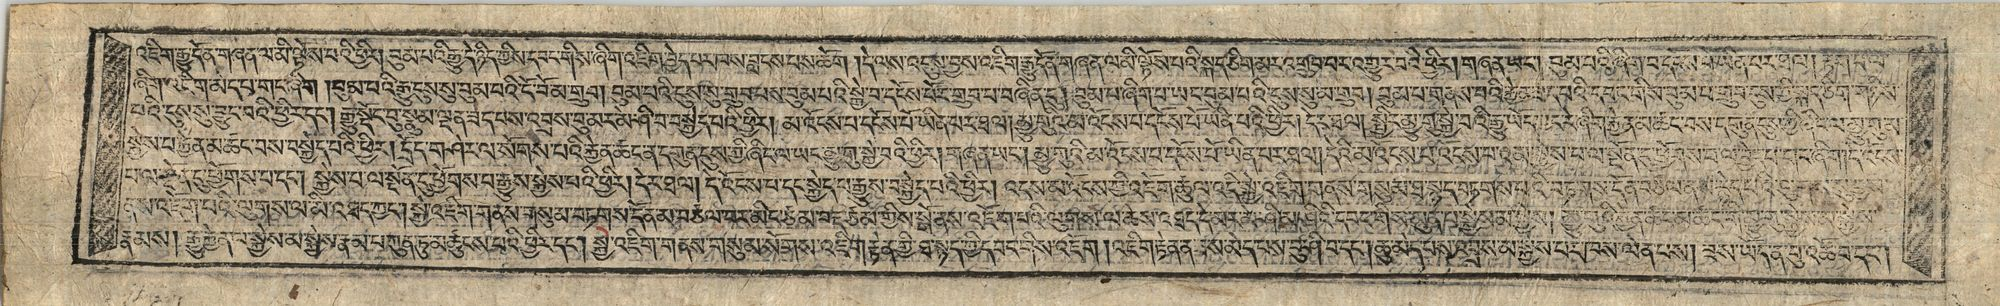འཇིག་རྒྱུ་དོན་གཞན་ལ་མི་ལྟོས་པའི་ཕྱིར། བུམ་པའི་རྒྱུ་དེ་ཉིད་ཀྱིས་དབང་གིས་ཞིག་འཇིག་བྱེད་པར་ཁས་བླངས་པས་ཆོག །དེ་ལས་འདུས་བྱས་འཇིག་རྒྱུ་དོན་གཞན་ལ་མི་ལྟོས་པའི་སྐད་ཅིག་མར་འགྲུབ་པར་འགྱུར་བའི་ཕྱིར། གཞན་ཡང་། བུམ་པའི་ཞིག་པ་དངོས་པོ་ཡིན་པར་ཐལ། རྟག་པ་ལ་
ཞིག་འཇིག་མེད་པ་གང་ཞིག །བུམ་པའི་རྒྱུ་དུས་སུ་བུམ་པའི་ངོ་བོ་མ་གྲུབ། བུམ་པའི་དུས་སུ་གྲུབ་པས་བུམ་པའི་སྐྱེ་བ་དངོས་པོར་གྲུབ་པ་བཞིན་དུ། བུམ་པ་ཞིག་པ་ཡང་བུམ་པའི་དུས་སུ་མ་གྲུབ། བུམ་པ་གནས་པའི་རྐྱེན་ཟད་པའི་དབང་གིས་བུམ་པ་གྲུབ་དུས་ཀྱི་སྐད་ཅིག་གཉིས་
པའི་དུས་སུ་བྱུང་བའི་ཕྱིར་དང་། རྒྱུ་སྡོང་བུ་སྣུམ་ལྡན་ཟད་པས་འབྲས་བུ་མར་མེ་ཤི་བ་བསྐྱེད་པའི་ཕྱིར། མ་འོངས་པ་དངོས་པོ་ཡིན་པར་ཐལ། མྱུ་གུའི་མ་འོངས་པ་དངོས་པོ་ཡིན་པའི་ཕྱིར། དེར་ཐལ། སྤྱིར་མྱུ་གུ་སྐྱེ་བའི་རྒྱུ་ཡོད་ཀྱང་རེ་ཞིག་རྐྱེན་མ་ཚང་བས་དགུན་དུས་ཀྱི་ཞིང་ལ་མྱུ་གུ་མ་
སྐྱེས་པ་རྐྱོནྨ་ཚང་བས་བསྐྱེད་པའི་ཕྱིར། དྲོད་གཤེར་ལ་སོགས་པའི་རྐྱེན་ཚང་ན་དགུན་དུས་ཀྱི་ཞིང་ལ་ཡང་མྱུ་གུ་སྐྱེ་བའི་ཕྱིར། གཞན་ཡང་། མྱུ་གུའི་མ་འོངས་པ་དངོས་པོ་ཡིན་པར་ཐལ། དེའི་མ་འོངས་པ་འོངས་པ་འམ་སྐྱེས་པ་ལ་སྔོན་དུ་ཕྱོགས་པ་ལ་བྱེད་པ་གང་ཞིག །དེ་འོངས་
པ་ལ་སྔོན་དུ་ཕྱོགས་པ་དང་། སྐྱེས་པ་ལ་སྔོན་དུ་ཕྱོགས་པ་རྒྱུས་སྐྱེས་པའི་ཕྱིར། དེར་ཐལ། དེ་འོངས་པ་དང་སྐྱེད་པ་རྒྱུས་བསྐྱེད་པའི་ཕྱིར། འདས་མ་འོངས་ཀྱི་འཇོག་ཚུལ་འདི་སྐྱེ་འཇིག་གནས་གསུམ་ཐ་སྙད་བཏགས་པའི་བཏགས་དོན་བཙལ་ནས་རྙེད་པའི་ལུགས་སུ་བྱས་
ནས་འཇོག་པའི་ལུགས་ལ་མི་འཐད་ཀྱང་། སྐྱེ་འཇིག་གནས་གསུམ་བཏགས་དོན་མ་བཙལ་བར་མིང་ཙམ་བརྡ་ཙམ་བརྡ་ཙམ་གྱིས་སྒོ་ནས་འཇོག་པའི་ལུགས་ལ་ཆེས་འཐད་དེ་མར་མེ་ཤི་མ་ཤིའི་དབང་གིས་མུན་པ་སྐྱེས་མ་སྐྱེས། མྱུ་གུའི་རྐྱེན་ཚང་མ་ཚང་གིས་མྱུ་གུ་སྐྱེས་མ་སྐྱེས་
རྣམས། རྒྱུ་རྐྱེན་ལས་སྐྱེས་མ་སྐྱེས་རྣམ་པ་ཀུན་ཏུ་མཚུངས་པའི་ཕྱིར་དང་། སྐྱེ་འཇིག་གནས་གསུམ་སོགས་འཇིག་རྟེན་གྱི་ཐ་སྙད་ཀྱི་དབང་གིས་འཇོག །འཇིག་རྟེན་ན་ཟས་མེད་པས་བུ་ཤི་བ་དང་། ཆུ་མེད་པས་འབྲས་མ་སྐྱེས་པར་ཁས་ལེན་པས། ཟས་ཡོད་ན་བུ་འཚོ་བ་དང་།